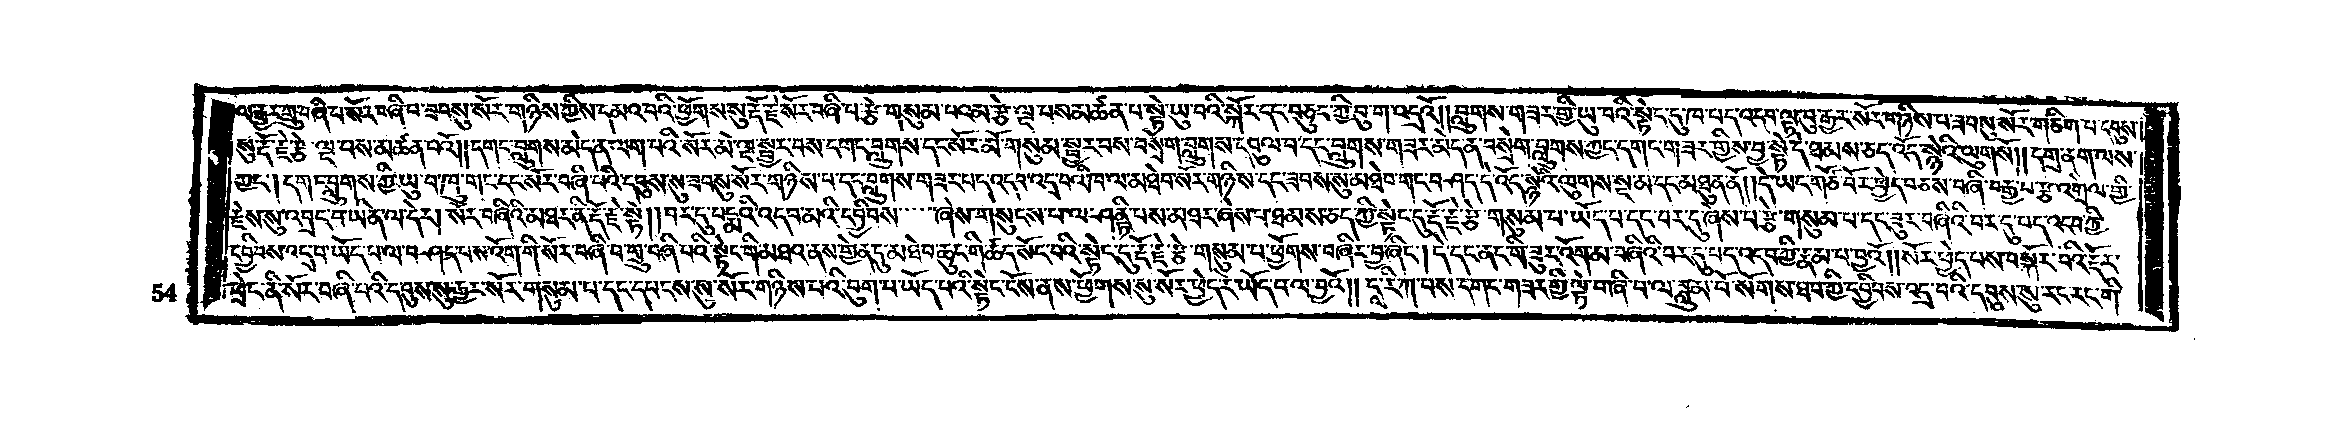ལ་རྒྱར་གྲུ་བཞི་པ་སོར་བཞི་པ་ཟབས་སུ་སོར་གཉིས་ཀྱིས་དམའ་བའི་ཕྱོགས་སུ་རྡོ་རྗེ་སོར་བཞི་པ་རྩེ་གསུམ་པའམ་རྩེ་ལྔ་པས་མཚན་པ་སྟེ་ཡུ་བའི་སྐོར་དང་བཅུད་ཀྱི་བུ་ག་འདྲའོ། །བླུགས་གཟར་གྱི་ཡུ་བའི་སྟེང་དུ་ཁ་པད་འདབ་ལྟ་བུ་རྒྱར་སོར་གཉིས་པ་ཟབས་སུ་སོར་གཅིག་པ་དབུས་
སུ་རྡོ་རྗེ་རྩེ་ལྔ་པས་མཚན་པའོ། །དགང་བླུགས་མེད་ན་ལག་པའི་སོར་མོ་ལྔ་སྦྱར་བས་དགང་བླུགས་དང་སོར་མོ་གསུམ་སྦྱར་བས་བསྲེག་བླུགས་དབུལ་བ་དང་བླུགས་གཟར་མེད་ན་བསྲེག་བླུགས་ཀྱང་དགང་གཟར་གྱིས་བྱ་སྟེ་དེ་ཐམས་ཅད་འོད་སྙེའི་ལུགས་སོ། །དགྲ་ནག་ལས་
ཀྱང་། དགང་བླུགས་ཀྱི་ཡུ་བ་ཁུ་གང་དང་སོར་བཞི་པའི་དབུས་སུ་ཟབས་སུ་སོར་གཉིས་པ་དང་བླུགས་གཟར་པད་འདབ་འདྲ་བའི་ཁ་ལ་མཐེབ་སོར་གཉིས་དང་ཟབས་སུ་མཐེབ་གང་བཤད་དེ་འོད་སྙེའི་ལུགས་སྔ་མ་དང་མཐུན་ནོ། །དེ་ཡང་གཙོ་བོར་ཕྱེད་བཅས་བཞི་བརྒྱ་པ་རྩ་འགྲེལ་གྱི་
རྗེས་སུ་འབྲང་བ་ཡིན་ལ་དེར། སོར་བཞིའི་མཐར་ནི་རྡོ་རྗེ་སྟེ། །བར་དུ་པདམའི་འདབ་མའི་དབྱིབས་ཞེས་གསུངས་པ་ལ་ཤནྟི་པས་མཐར་ཞེས་པ་ཐམས་ཅད་ཀྱི་སྟེང་དུ་རྡོ་རྗེ་རྩེ་གསུམ་པ་ཡོད་པ་དང་བར་དུ་ཞེས་པ་རྩེ་གསུམ་པ་དང་ཟུར་བཞིའི་བར་དུ་པད་འདབ་ཀྱི་
དབྱིབས་འདྲ་བ་ཡོད་པ་ལ་བཤད་པས་འོག་གི་སོར་བཞི་པ་གྲུ་བཞི་པའི་སྟེང་གི་མཐའ་ནས་གྱེན་དུ་མཐེབ་ཆུང་གི་ཚད་སོང་བའི་སྟེང་དུ་རྡོ་རྗེ་རྩེ་གསུམ་པ་ཕྱོགས་བཞིར་བྱ་ཞིང་། དེ་དང་ནང་གི་ཟུར་འོག་མ་བཞིའི་བར་དུ་པད་འདབ་ཀྱི་རྣམ་པ་བྱའོ། །སོར་ཕྱེད་པས་བསྐོར་བའི་རྡོར་
ཕྲེང་ནི་སོར་བཞི་པའི་དབུས་སུ་རྒྱར་སོར་གསུམ་པ་དང་དཔངས་སུ་སོར་གཉིས་པའི་བུག་པ་ཡོད་པའི་སྟེང་ངོས་ནས་ཕྱོགས་སུ་སོར་ཕྱེད་རེ་ཡོད་པ་ལ་བྱའོ། །དཱ་རི་ཀ་པས་དགང་གཟར་གྱི་ལྟེ་བ་ཞི་པ་ལ་ཟླུམ་པོ་སོགས་ཐབ་ཀྱི་དབྱིབས་འདྲ་བའི་དབུས་སུ་རང་རང་གི་